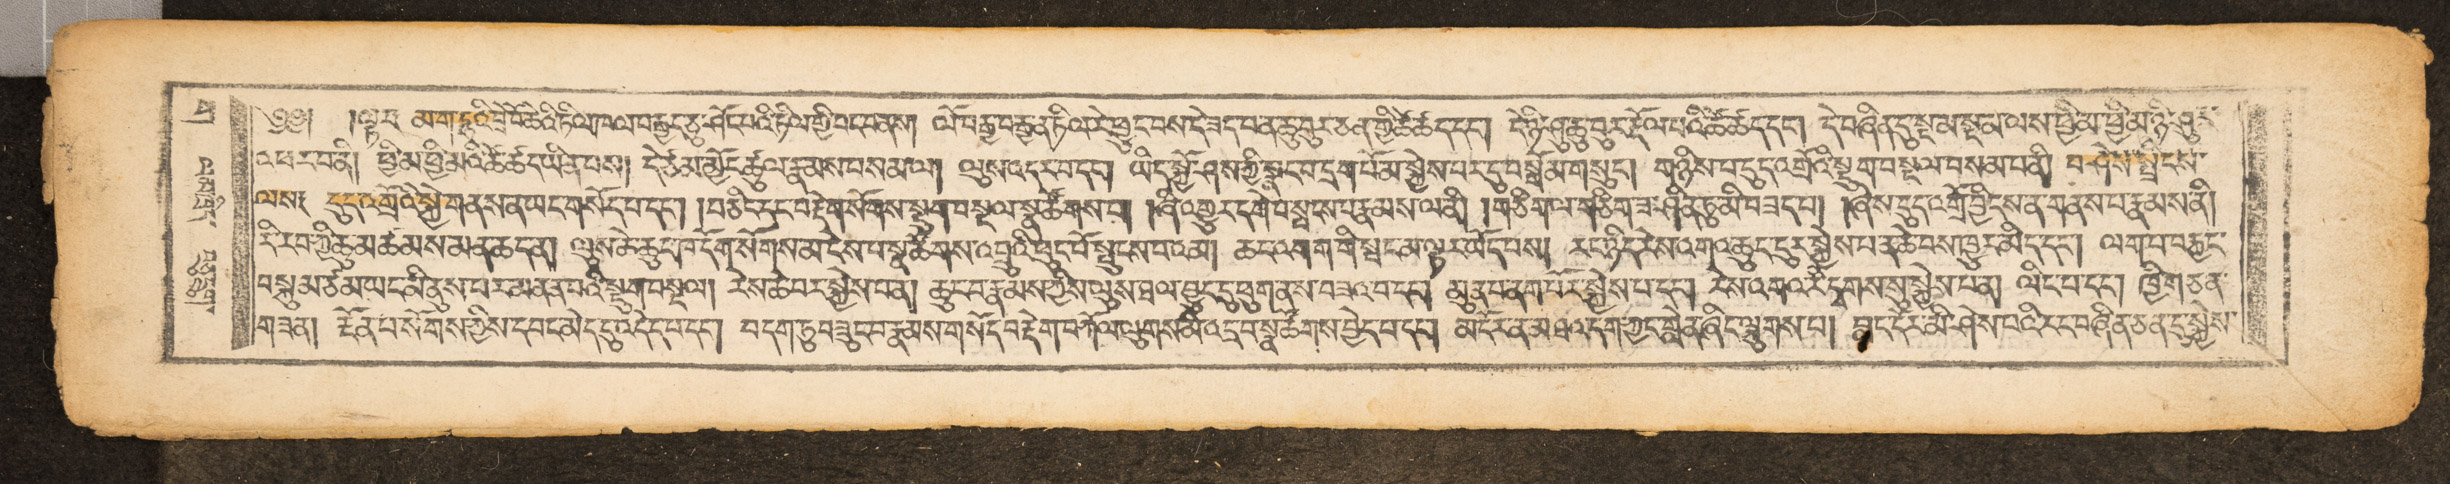༄༅། །ལྟར༑ མ་ག་དྷའི་བྲེ་བོ་ཆེའི་ཏིལ་ཁལ་བརྒྱད་ཅུ་ཤོང་པའི་ཏིལ་གྱི་བདབ་ནས། ལོ་བརྒྱ་བརྒྱན་ཏིལ་རེ་ཕྱུང་བས་དེ་ཟད་བན་ཆུ་བུར་ཅན་གྱི་ཚེ་ཚད་དང་། དེ་ཉི་ཤུ་ཆུ་བུར་རྡོལ་བའི་ཚེ་ཚད་དང༑ དེ་བཞིན་དུ་སྔ་མ་སྔ་མ་ལས་ཕྱི་ཕྱི་མ་ཉི་ཤུར་
འཕར་བ་ནི། ཕྱི་མ་ཕྱི་མའི་ཚེ་ཚད་ཡིན་པས། དེ་ཙམ་མྱོང་ཚུལ་རྣམས་བསམ་ལ། ལུས་འདར་བ་དང་། ཡིད་སྐྱོ་ཤས་ཀྱི་སྣང་བ་དྲག་པོ་མ་སྐྱེས་བར་དུ་བསྒོམ་གསུང་། གཉིས་པ་དུད་འགྲོའི་སྡུག་བསྔལ་བསམ་པ་ནི། བཤེས་སྦྲིངས་
ལས༑ དུད་འགྲོའི་སྐྱེ་གནས་ན་ཡང་གསོད་པ་དང་། །བཅིང་དང་བརྡེག་སོགས་སྡུག་བསྔལ་སྣ་ཚོགས་པ། །ཞི་འགྱུར་དགེ་བ་སྤངས་པ་རྣམས་ལ་ནི། །གཅིག་ལ་གཅིག་ཟ་ཤིན་ཏུ་མི་བཟད་པ། །ཞེས་དུད་འགྲོ་བྱིངས་ན་གནས་པ་རྣམས་ནི།
རི་རབ་ཀྱི་ཆུ་མཚམས་མན་ཆད་ན། ལུས་ཆེ་ཆུང་ཁ་དོག་སོགས་མ་ངེས་པ་སྣ་ཚོགས་འབྲུའི་ཕུང་པོ་སྤུངས་པའམ། ཆང་འགག་གི་སྤང་མ་ལྟར་ཡོད་པས། རང་ཉིད་རེས་འགའ་ཆུང་དུར་སྐྱེས་པ་ན་ཆེ་བས་ཁྱུད་མིད་དང་། ལག་པ་བརྐྱང་
བསྐུམ་ཙམ་ཡང་མི་ནུས་པར་མནན་པའི་སྡུག་བསྔལ། རེས་ཆེ་བར་སྐྱེས་བ་ན། ཆུང་བ་རྣམས་ཀྱིས་ལུས་ཐལ་བྱུང་དུ་ཕུག་ནས་བཟའ་བ་དང་། མུན་པ་ནག་པོར་སྐྱེས་པ་དང་། རེས་འགའ་རི་དྭགས་སུ་སྐྱེས་པ་ན། ལིང་པ་དང་། ཁྱི་གཅན་
གཟན། རྡོན་པ་སོགས་ཀྱིས་དབང་མེད་དུ་འདེད་པ་དང་། བདག་ཏུ་བཟུང་བ་རྣམས་གསོད་བརྡེག་བཀོལ་ལུགས་མི་འདྲ་བ་སྣ་ཚོགས་བྱེད་པ་དང་། མདོར་ན་མཐའ་དག་ཀྱང་གླེན་ཞིང་ལྐུགས་པ། བླང་དོར་མི་ཤེས་པའི་རང་བཞིན་ཅན་དུ་སྐྱེས་